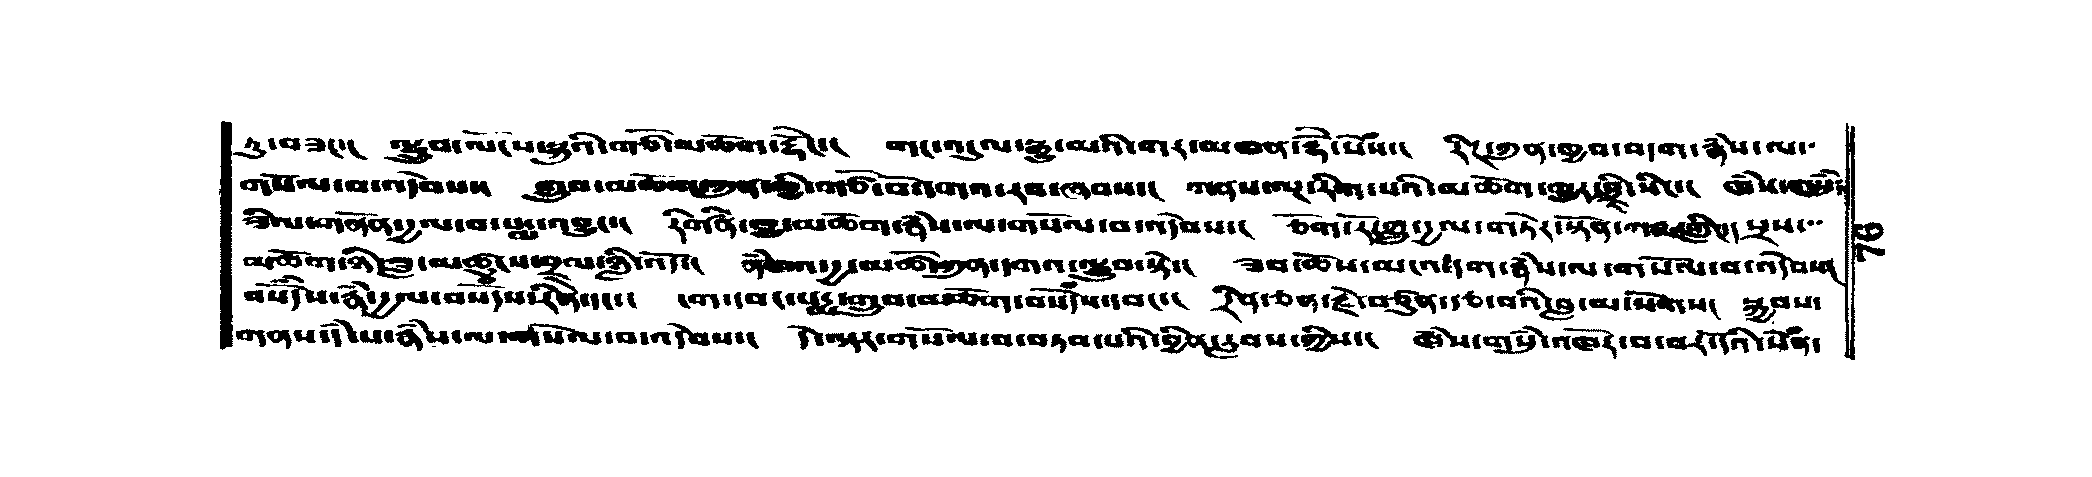ཏུ་བཟང་། །ལྷུན་གྲུབ་ལོངས་སྐུའི་གཙོ་མཆོག་རྡོ་རྗེ་འཆང་། །གང་འདུལ་སྒྱུ་མའི་གར་མཁན་རྡོ་རྗེ་སེམས། །རིགས་ཀུན་ཁྱབ་བདག་རྣམས་ལ་
གསོལ་བ་འདེབས། །གྲུབ་མཆོག་ཀུན་གྱི་གཙོ་བོ་དགའ་རབ་ཞབས། །གནས་ལྔ་རིག་པའི་མཆོག་གྱུར་ཤྲཱི་སེང་། །ཁམས་གསུམ་
ཟིལ་གནོན་རྒྱལ་བ་པདྨ་འབྱུང་། །རིག་འཛིན་ཁྱུ་མཆོག་རྣམས་ལ་གསོལ་བ་འདེབས། །ཅོག་རོ་ཀླུ་རྒྱལ་གཏེར་སྟོན་ཀརྨ་གླིང་། །སྲས་
མཆོག་ཉི་ཟླ་མཚུངས་བྲལ་ཉི་ཟླ་འོད། །ནམ་མཁའ་རྒྱ་མཚོ་ཀུན་དགའ་ལྷུན་གྲུབ་སྟེ། །ཟབ་ཆོས་མངའ་བདག་རྣམས་ལ་གསོལ་་འདེབས། །
བསོད་ནམས་རྣམ་རྒྱལ་བསོད་ནམས་རིན་ཆེན་དང་། །ངག་དབང་པདྨ་གྲུབ་མཆོག་བསོད་ནམས་དབང་། །དྲིན་ཆེན་རྗེ་བཙུན་རྩ་བའི་བླ་མ་སོགས། །སྐྱབས་
གནས་དམ་པ་རྣམས་ལ་གསོལ་བ་འདེབས། །དེ་ལྟར་གསོལ་བ་བཏབ་པའི་བྱིན་རླབས་ཀྱིས། །ཁམས་གསུམ་འཁོར་བ་བར་དོའི་སེམས་ཅན་